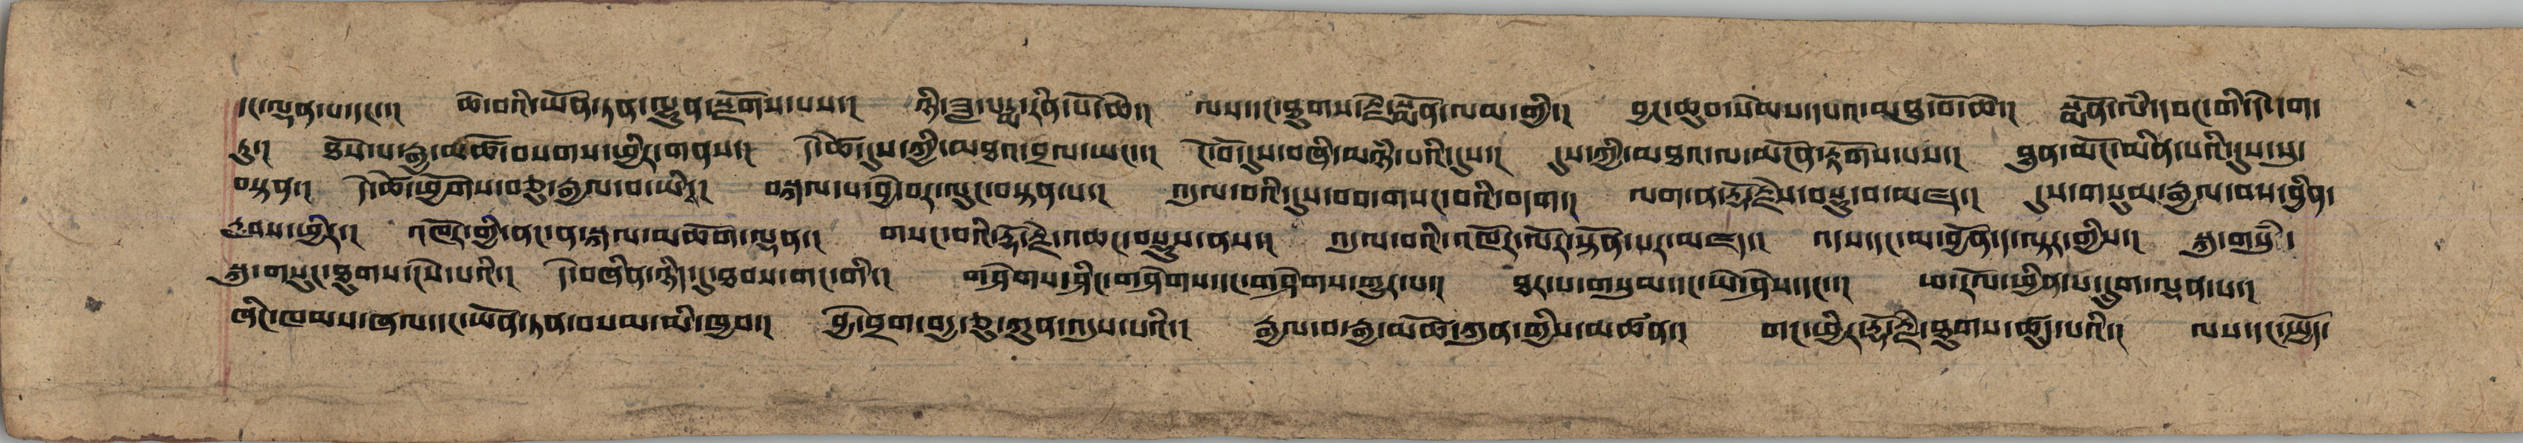དང་ལྡན་པ་དང་། ཆེ་བའི་ཡོན་ཏན་ལྷུན་སྫོགས་པས་། ཉི་ཟླ་པདྨ་རིན་པོ་ཆེ་། ལས་དང་ཐུགས་རྗེ་སྨོན་ལམ་གྱི་། བྱང་ཆུབ་སེམས་དཔའ་མཐུ་བོ་ཆེ་། སྨོན་ལཾ་དབང་གི་དེ་དག་
ཏུ་། ཐོས་པ་རྒྱ་མཚོ་བསགས་ཕྱིར་གནས་། དེ་ཚེ་དུས་ཀྱི་མཐའ་བྲལ་ཡང་་། ངོ་བོ་དུས་བཞི་མཉཾ་པའི་དུས་། དུས་ཀྱི་མཐའ་ལ་མངོན་རྟོགས་པས་། ཐུན་མོང་མིན་པའི་དུས་སུ་
བསྟན་། དེ་ཚེ་ཕྱོགས་བཅུ་རྒྱལ་བ་ཡི་། བསྐལ་པ་བྱེ་བར་ལུང་བསྟན་པ་། འདུལ་བའི་དུས་བབ་གསང་བའི་བདག་། ལག་ན་རྡོ་རྗེས་བསྡུ་བ་མཛད་། དུས་གསུམ་རྒྱལ་བས་བྱིན་
རླབས་ཕྱིར་། འཁོར་གྱི་ནང་ན་སྐལ་མཆོག་ལྡན་། གསང་བའི་རྡོ་རྗེ་འཆང་བསྡུས་ནས་། འདུལ་བའི་འཁོར་ལོར་སྟོན་པར་མཛད་། འདས་དང་མ་བྱོན་ད་ལྟར་གྱིས་། སྐུ་གསུཾ་
སྐུ་གསུང་ཐུགས་ངེས་པའི་། དེ་བཞིན་ཉིད་དུ་ཐབས་གང་གི་། གཤེགས་ཤིང་གཤེགས་དང་གཤེགས་གྱུར་པ་། ཐར་པ་གསུམ་དང་ཡེ་ཤེས་དང་་། ཕ་རོལ་ཕྱིན་པ་དྲུག་ལྡན་པ་།
ཞིང་ཁམས་ཞལ་དང་ཡོན་ཏན་བསམ་མི་ཁྱབ་། བྱེ་བྲག་བདྱ་ཅུ་ཀུན་འདུས་པའི་། རྒྱལ་བ་རྒྱ་མཚོ་ཀུན་གྱིས་མཚན་། གང་ཕྱིར་རྡོ་རྗེ་ཐུགས་ཚུད་པའི་། ལས་དང་སྤྱོད་